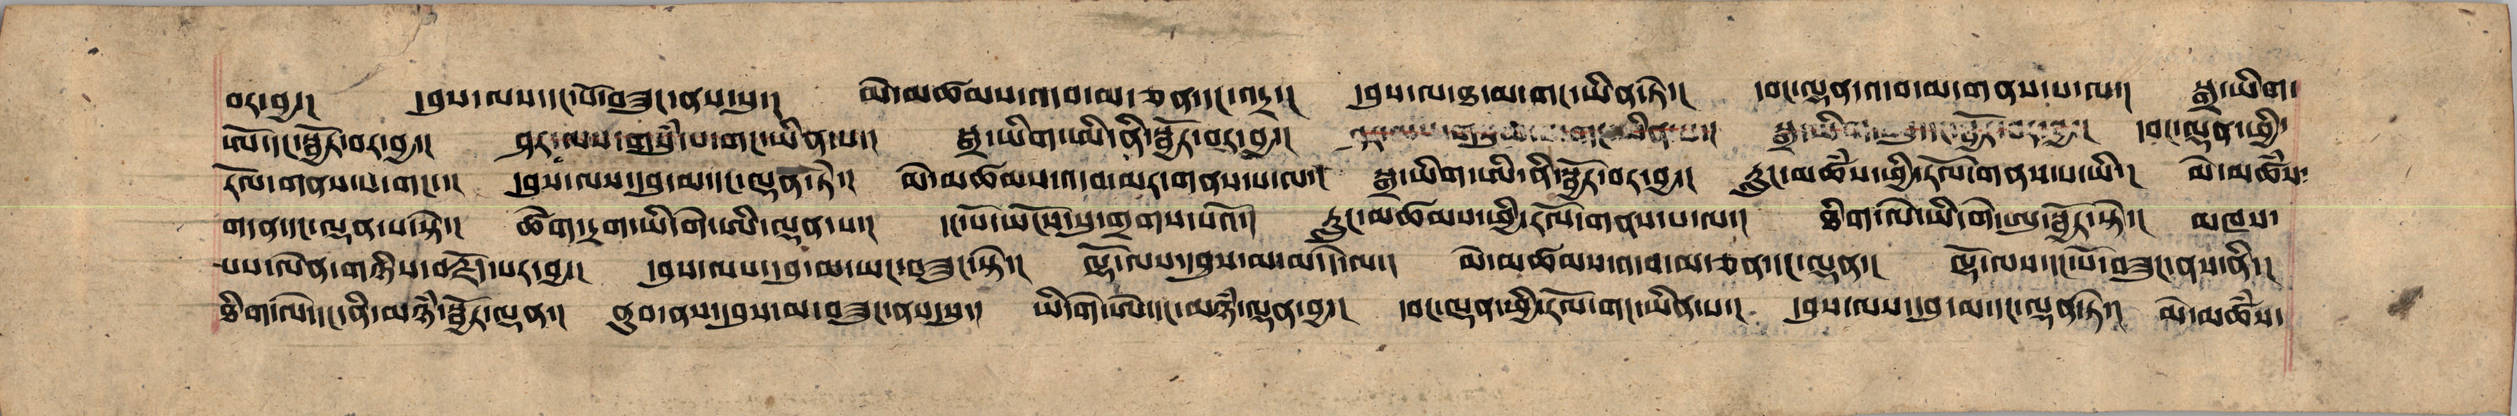བར་བྱ་། དབུས་ལས་དང་པོ་བཟུང་ནས་སུ་། མེ་མཚམས་འདབ་མ་ཅན་དང་འདྲ་། དབུས་ལ་ཐ་མ་གང་ཡིན་ཏེ་། དབང་ལྡན་འདབ་མ་གནས་པ་ལ་། སྒྲ་ཡིག་
ཨོ་དང་སྦྱོར་བར་བྱ་། ཤར་ལས་གསུཾ་པ་གང་ཡིན་པ་། སྒྲ་ཡིག་ཨི་ནི་སྦྱོར་བར་བྱ་། ཤར་ལས་གསུམ་པ་གང་ཡིན་པ་། སྒྲ་ཡིག་ཨུ་དང་སྦྱོར་བར་བྱ་། དབང་ལྡན་ཕྱི་
རོལ་གནས་པ་གང་་། དབུས་ལས་དབུ་མ་དང་ལྡན་ཏེ་། མེ་མཚམས་འདབ་མར་གནས་པ་ལ་། སྒྲ་ཡིག་ཨི་ནི་སྦྱོར་བར་བྱ་ རླུང་མཚཾས་ཕྱི་རོལ་གནས་པ་ཡི་། མེ་མཚཾས་
གདན་དང་ལྡན་པ་སྟེ་། ཚེག་དྲག་ཡི་གེ་ཨི་ལྡན་པ་། དང་པོ་ཡོངས་སུ་གྲགས་པའོ་། རླུང་མཚམས་ཕྱི་རོལ་གནས་པ་ལ་། ཐིག་ལེ་ཡི་གེ་ཨུ་སྦྱོར་སྟེ་། མཁས་
པས་ལེན་གཉིས་བརྗོད་པར་བྱ་། དབུས་ལས་དབུ་མ་ཡང་བཟུང་སྟེ་། ལྷོ་ལས་དབུས་མ་མ་དེ་ལ་། མེ་མཚམས་འདབ་མ་ཅན་དང་ལྡན་། ལྷོ་ལས་དང་པོ་བཟུང་ནས་ནི་།
ཐིག་ལེ་དང་ནི་མཉཾ་སྦྱོར་ལྡན་། ནུབ་ནས་དབུས་མ་བཟུང་ནས་སུ་། ཡི་གེ་ཨེ་དང་མཉཾ་ལྡན་བྱ་། དབང་ལྡན་ཕྱི་རོལ་གང་ཡིན་པ་། དབུས་ལས་དབུ་མ་དང་ལྡན་ཏེ་། མེ་མཚཾས་